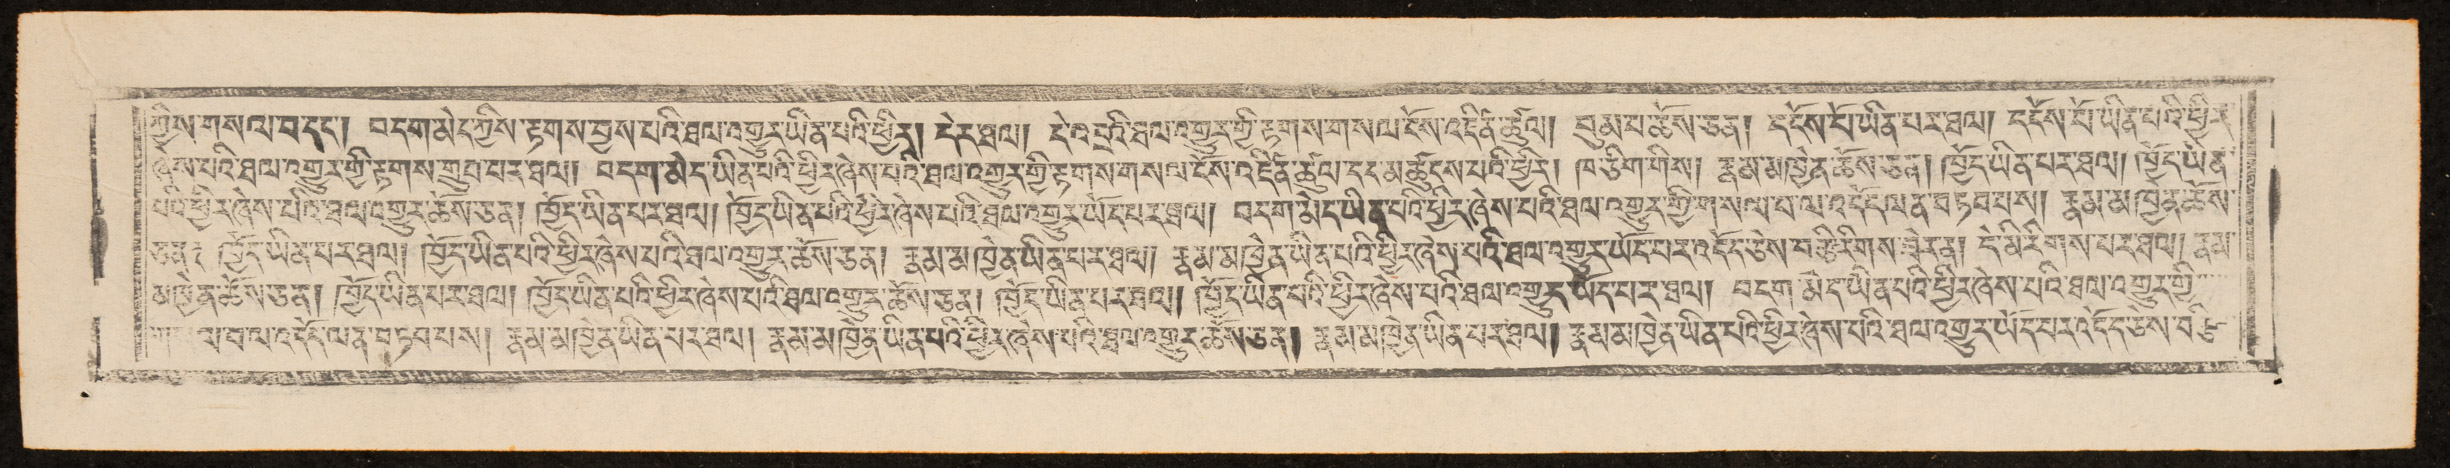ཀྱིས་གསལ་བ་དང་། བདག་མེད་ཀྱིས་རྟགས་བྱས་པའི་ཐལ་འགྱུར་ཡིན་པའི་ཕྱིར། དེར་ཐལ། དེ་འདྲའི་ཐལ་འགྱུར་གྱི་རྟགས་གསལ་ངོས་འཛིན་ཚུལ། བུམ་པ་ཆོས་ཅན། དངོས་པོ་ཡིན་པར་ཐལ། དངོས་པོ་ཡིན་པའི་ཕྱིར།
ཞེས་པའི་ཐལ་འགྱུར་གྱི་རྟགས་གྲུབ་པར་ཐལ། བདག་མེད་ཡིན་པའི་ཕྱིར་ཞེས་པའི་ཐལ་འགྱུར་གྱི་རྟགས་གསལ་ངོས་འཛིན་ཚུལ་དང་མཚུངས་པའི་ཕྱིར། ཁ་ཅིག་གིས། རྣམ་མཁྱེན་ཆོས་ཅན། ཁྱོད་ཡིན་པར་ཐལ། ཁྱོད་ཡིན་
པའི་ཕྱིར་ཞེས་པ"ཨི་ཐལ་འགྱུར་ཆོས་ཅན། ཁྱོད་ཡིན་པར་ཐལ། ཀྱོད་ཡིན་པའི་ཕྱིར་ཞེས་པའི་ཐལ་འགྱུར་ཡོད་པར་ཐལ། བདག་མེད་ཡིན་པའི་ཕྱིར་ཞེས་པའི་ཐལ་འགྱུར་གྱི་གསལ་བ་ལ་འདོད་ལན་བཏབ་པས། རྣམ་མཁྱེན་ཆོས་
ཅན། ཁྱོད་ཡིན་པར་ཐལ། ཁྱོད་ཡིན་པའི་ཕྱིར་ཞེས་པའི་ཐལ་འགྱུར་ཆོས་ཅན། རྣམ་མཁྱེན་ཡིན་པར་ཐལ། རྣམ་མཁྱེན་ཡིན་པའི་ཕྱིར་ཞེས་པའི་ཐལ་འགྱུར་ཡོད་པར་འདོད་ཅེས་བརྩི་རིགས་ཟེར་ན། དེ་མི་རིགས་པར་ཐལ། རྣམ་
མཁྱེན་ཆོས་ཅན། ཁྱོད་ཡིན་པར་ཐལ། ཁྱོད་ཡིན་པའི་ཕྱིར་ཞེས་པའི་ཐལ་འགྱུར་ཆོས་ཅན། ཁྱོད་ཡིན་པར་ཐལ། ཁྱོད་ཡིན་པའི་ཕྱིར་ཞེས་པའི་ཐལ་འགྱུར་ཡོད་པར་ཐལ། བདག་མེད་ཡིན་པའི་ཕྱིར་ཞེས་པའི་ཐལ་འགྱུར་གྱི་
གསལ་བ་ལ་འདོད་ལན་བཏབ་པས། རྣམ་མཁྱེན་ཡིན་པར་ཐལ། རྣམ་མཁྱེན་ཡིན་པའི་ཕྱིར་ཞེས་པའི་ཐལ་འགྱུར་ཆོས་ཅན། རྣམ་མཁྱེན་ཡིན་པར་ཐལ། རྣམ་མཁྱེན་ཡིན་པའི་ཕྱིར་ཞེས་པའི་ཐལ་འགྱུར་ཡོད་པར་འདོད་ཅེས་བརྩི་